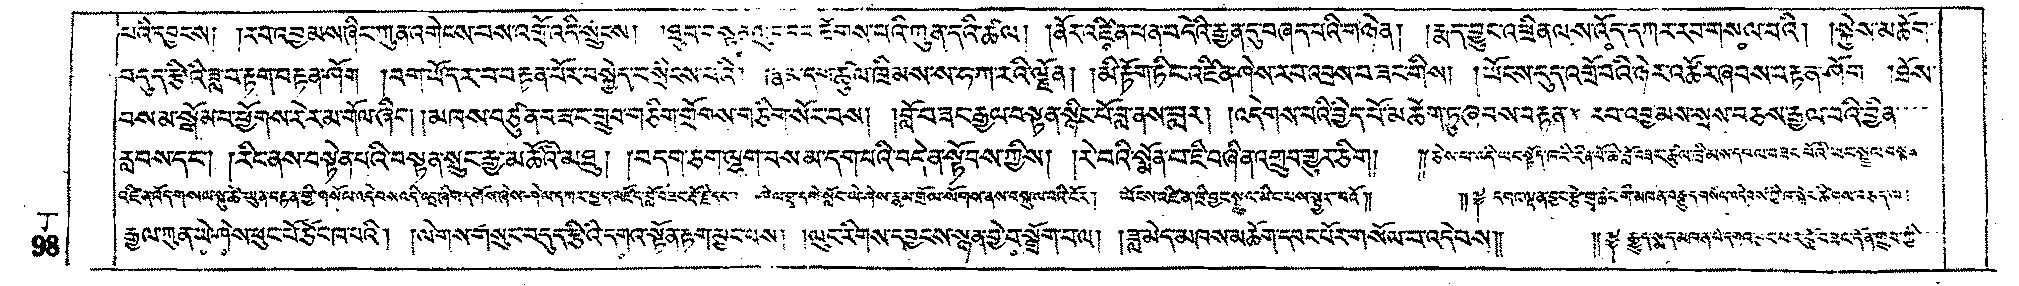པའི་དབྱངས། །རབ་འབྱམས་ཞིང་ཀུན་འགེངས་པས་འགྲོ་འདི་སྲུངས། །ཐུབ་བསྟན་ལུང་དང་རྟོགས་པའི་ཀུན་དའི་ཚལ། །ནོར་འཛིན྾་ཕན་བདེའི་རྒྱན་དུ་བཞད་པའི་གཉེན། །རྨད་བྱུང་འཕྲིན་ལས་འོད྾་དཀར་རབ་གསལ྾་བའི། །སྐྱེས་མཆོག་
བདུད་རྩིའི་ཟླ་བ་རྟག་བརྟན་ཤོག །བག་ཡོད་ར་བ་བརྟན་པོར་བསྐྱེད་བསྲིངས་པའི། །རྣམ་དག་ཚུལ་ཁྲིམས་ས་ཧ་ཀ་རའི་ལྗོན། །མི་རྟོག་ཏིང་འཛིན་ཤེས་རབ་འབྲས་བཟང་གིས། །ཡོངས་དུད་འགྲོ་བའི་ཉེར་འཚོར་ཞབས་བརྟན་ཤོག །ཐོས་
བསམ་སྒོམ་པ་ཕྱོགས་རེ་རེ་མ་གོལ་ཞིང་། །མཁས་བཙུན་བཟང་གྲུབ་གཅིག་གྲོགས་གཅིག་སོང་བས། །བློ་བཟང་རྒྱལ་བསྟན་སྙིང་ལོ་བླ་ནས་བླར། །འདེགས་པའི་བྱེད་པོ་མཆོག་ཏུ་ཞབས་བརྟན་྾་རབ་འབྱམས་སྲས་བཅས་རྒྱལ་བའི་བྱིན་་་
རླབས་དང་། །རིང་ནས་བསྟེན་པའི་བསྟན་སྲུང་རྒྱ་མཚོའི་མཐུ། །བདག་ཅག་ལྷག་བསམ་དག་པའི་བདེན་སྟོབས་ཀྱིས། །རེ་བའི་སྨོན་པ་ཇི་བཞིན་འགྲུབ་གྱུར་ཅིག། །།ཅེས་པ་འདི་ཡང་སྟོད་ཁ་རི་རིན་པོ་ཆེ་བློ་བཟང་ཚུལ་ཁྲིམས་དཔལ་བཟང་པོའི་ཡང་སྤྲུལ་བསྟན་
འཛིན་འོད་གསལ་སྐུ་ཚེ་ཡུན་བརྟན་གྱི་གསོལ་འདེབས་འདི་འདྲ་ཞིག་དགོས་ཞེས་ཤེལ་དཀར་ཕྱག་མཛོད་བློ་བཟང་རྡོ་རྗེ་དང་། ཤེ་ལ་གྲྭ་དགེ་སློང་ཡེ་ཤེས་རྣམ་གྲོལ་སོགས་ནས་བསྐུལ་བའི་ངོར། ཡོངས་འཛིན་ཁྲི་བྱང་སྤྲུལ་མིང་པས་སྦྱར་པའོ།། །། འ་དགའ་ལྡན་བྱང་རྩེ་གྲྭ་ཚང་གི་མཁན་བརྒྱུད་གསོལ་འདེབས་ཀྱི་ཁ་སྐེང་ཚིགས་བཅད་ལ།
རྒྱལ་ཀུན་ཡེ྾་ཤེས྾་ཕུང་པོ་རྩོང་ཁ་པའི། །ལེགས་གསུང་བདུད་རྩིའི་དགའ྾་སྟོན་རྟག་མྱང་བས། །ལུང་རིགས་དབྱངས་སྙན་བྱེ་བ྾་སྒྲོག་པ་ལ། །ཟླ་མེད་མཁས་མཆོག་དབང་པོར་གསོལ་བ་འདེབས།། །། འ་རྒྱུད་སྨད་མཁན་པ་དགའ་བྱང་ཕ་ར་བློ་བཟང་དོན་གྲུབ་ཀྱི་་་